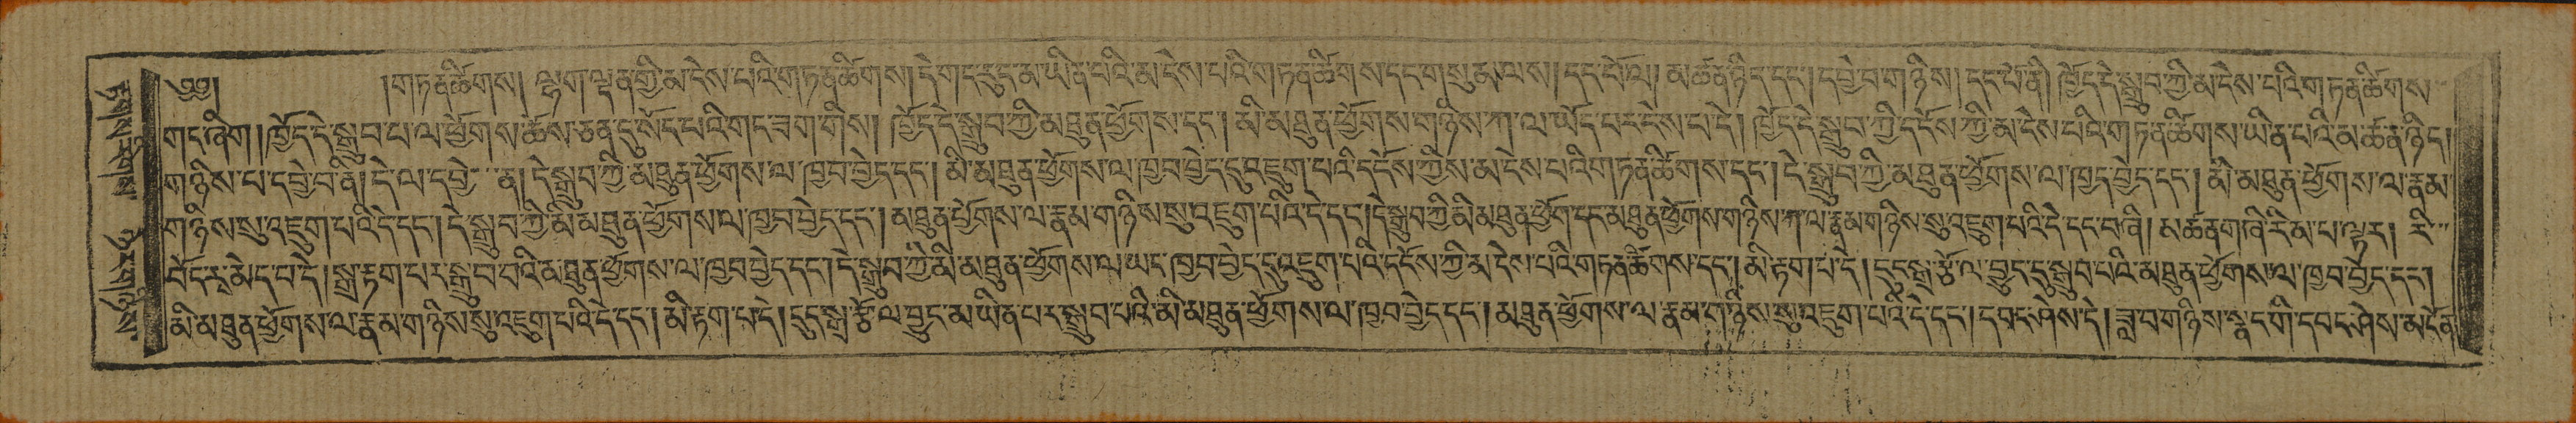༄༅། །གཏན་ཚིགས། ལྷག་ལྡན་གྱི་མ་ངེས་པའི་གཏན་ཚིགས། དེ་གང་རུང་མ་ཡིན་པའི་མ་ངེས་པའི་གཏན་ཚིགས་དང་གསུམ་ལས། དང་པོ་ལ། མཚན་ཉིད་དང་། དབྱེ་བ་གཉིས། དང་པོ་ནི། ཁྱོད་དེ་སྒྲུབ་ཀྱི་མ་ངེས་པའི་གཏན་ཚིགས་
གང་ཞིག །ཁྱོད་དེ་སྒྲུབ་པ་ལ་ཕྱོགས་ཆོས་ཅན་དུ་སོང་པའི་གང་ཟག་གིས། ཁྱོད་དེ་སྒྲུབ་ཀྱི་མཐུན་ཕྱོགས་དང་། མི་མཐུན་ཕྱོགས་གཉིས་ཀ་ལ་ཡོད་པར་ངེས་པ་དེ། ཁྱོད་དེ་སྒྲུབ་ཀྱི་དངོས་ཀྱི་མ་ངེས་པའི་གཏན་ཚིགས་ཡིན་པའི་མཚན་ཉིད།
གཉིས་པ་དབྱེ་བ་ནི། དེ་ལ་དབྱེ་ན། དེ་སྒྲུབ་ཀྱི་མཐུན་ཕྱོགས་ལ་ཁྱབ་བྱེད་དང་། མི་མཐུན་ཕྱོགས་ལ་ཁྱབ་བྱེད་དུ་འཇུག་པའི་དངོས་ཀྱིས་མ་ངེས་པའི་གཏན་ཚིགས་དང་། དེ་སྒྲུབ་ཀྱི་མཐུན་ཕྱོགས་ལ་ཁྱད་བྱེད་དང་། མི་མཐུན་ཕྱོགས་ལ་རྣམ་
གཉིས་སུ་འཇུག་པའི་དེ་དང་། དེ་སྒྲུབ་ཀྱི་མི་མཐུན་ཕྱོགས་ལ་ཁྱབ་བྱེད་དང་། མཐུན་ཕྱོགས་ལ་རྣམ་གཉིས་སུ་འཇུག་པའི་དེ་དང་། དེ་སྒྲུབ་ཀྱི་མི་མཐུན་ཕྱོག་དང་མཐུན་ཕྱོགས་གཉིས་ཀ་ལ་རྣམ་གཉིས་སུ་འཇུག་པའི་དེ་དང་བཞི། མཚན་གཞི་རིམ་པ་ལྟར། རི་
བོང་རྭ་མེད་པ་དེ། སྒྲ་རྟག་པར་སྒྲུབ་པའི་མཐུན་ཕྱོགས་ལ་ཁྱབ་བྱེད་དང་། དེ་སྒྲུབ་ཀྱི་མི་མཐུན་ཕྱོགས་ལ་ཡང་ཁྱབ་བྱེད་དུ་འཇུག་པའི་དངོས་ཀྱི་མ་ངེས་པའི་གཏན་ཚིགས་དང་། མི་རྟག་པ་དེ། དུང་སྒྲ་རྩོལ་བྱུང་དུ་སྒྲུབ་པའི་མཐུན་ཕྱོགས་ལ་ཁྱབ་བྱེད་དང་།
མི་མཐུན་ཕྱོགས་ལ་རྣམ་གཉིས་སུ་འཇུག་པའི་དེ་དང་། མི་རྟག་པ་དེ། དུང་སྒྲ་རྩོལ་བྱུང་མ་ཡིན་པར་སྒྲུབ་པའི་མི་མཐུན་ཕྱོགས་ལ་ཁྱབ་བྱེད་དང་། མཐུན་ཕྱོགས་ལ་རྣམ་གཉིས་སུ་འཇུག་པའི་དེ་དང་། དབང་ཤེས་དེ། ཟླ་བ་གཉིས་སྣང་གི་དབང་ཤེས་མངོན་